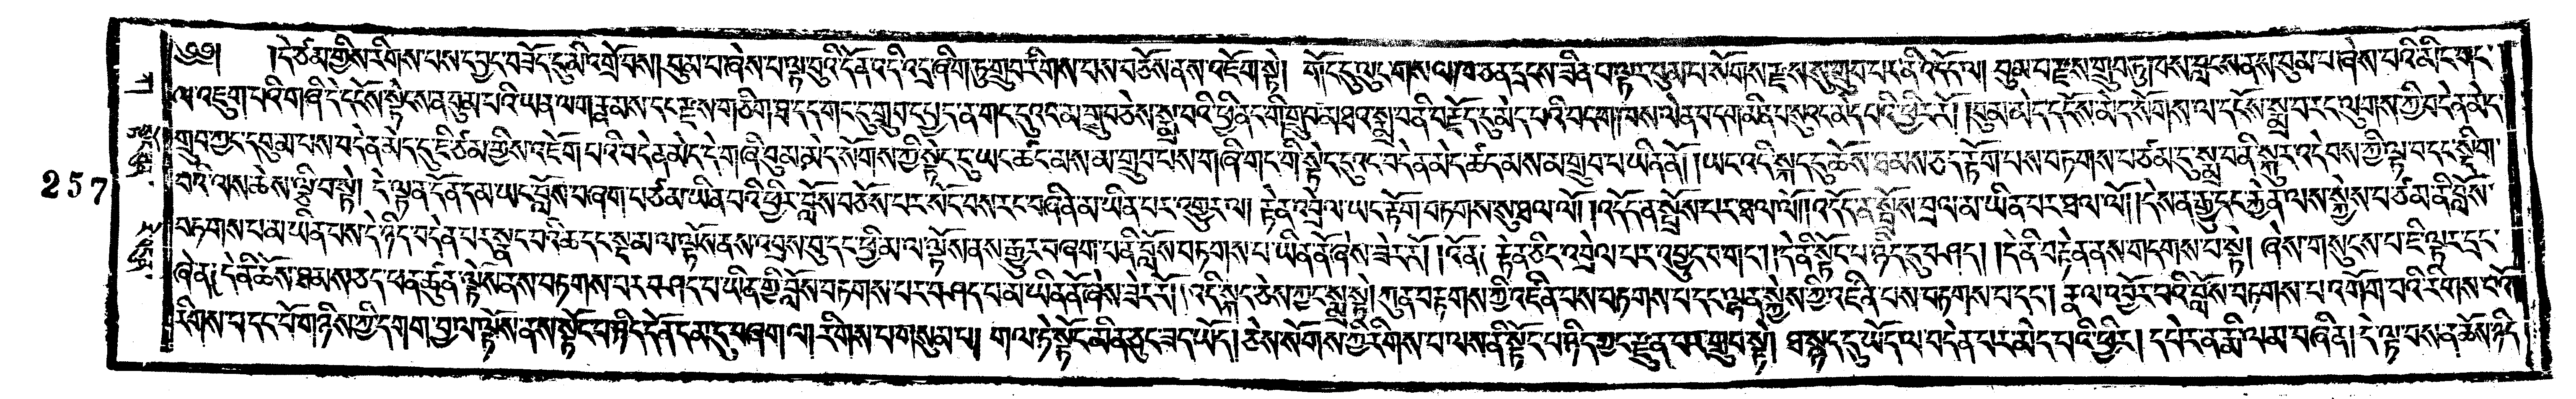༄༅། །དེ་ཙམ་གྱིས་རིགས་པས་དབྱད་བཟོད་དུ་མི་འགྲོ་བས། བུམ་པ་ཞེས་པ་ལྟ་བུའི་དོན་འདི་འདྲ་ཞིག་ཏུ་གྲུབ་རིགས་པས་བཅོས་ནས་འཇོག་སྟེ། གོང་དུ་ལུང་གསལ་ཁ་ཅན་དྲངས་ཟིན་པ་ལྟར་བུམ་པ་སོགས་རྫས་སུ་གྲུབ་པར་ནི་འདོད་ལ། བུམ་པ་རྫས་གྲུབ་ཏུ་ཁས་བླངས་ནས་བུམ་པ་ཞེས་པའི་མིང་གང་
ལ་འཇུག་པའི་གཞི་དེ་དངོས་སྟེངས་ན་བུམ་པའི་ཡན་ལག་རྣམས་དང་རྫས་གཅིག་ཐ་དད་གང་དུ་གྲུབ་དཔྱད་ན་གང་དུའང་མ་གྲུབ་ཅེས་སྨྲ་བའི་ཕྱི་ནང་གི་གྲུབ་མཐའ་སྨྲ་བ་ནི་བརྗོད་དུ་མེད་པའི་བདག་ཁས་ལེན་བ་དག་མིན་པ་སུའང་མེད་པའི་ཕྱིར་རོ། །བུམ་མེད་དངོས་མེད་སོགས་ལ་དངོས་སྨྲ་བ་རང་ལུགས་ཀྱི་བདེན་མེད་
གྲུབ་ཀྱང་དབུ་མ་པས་བདེན་མེད་དུ་ཇི་ཙམ་གྱིས་འཇོག་པའི་བདེན་མེད་དེ་གཞི་བུམ་མེད་སོགས་ཀྱི་སྟེང་དུ་ཡང་ཚད་མས་མ་གྲུབ་པས་གཞི་གང་གི་སྟེང་དུའང་བདེན་མེད་ཚད་མས་མ་གྲུབ་པ་ཡིན་ནོ། །ཡང་འདི་སྐད་དུ་ཆོས་ཐམས་ཅད་རྟོག་པས་བཏགས་པ་ཙམ་དུ་སྨྲ་བ་ནི་སྐུར་འདེབས་ཀྱི་ལྟ་བ་དང་སྡིག་
པའི་ལས་ཆེས་ལྕི་བ་སྟེ། དེ་ལྟ་ན་དོན་དམ་ཡང་བློས་བཞག་པ་ཙམ་ཡིན་པའི་ཕྱིར་བློས་བཅོས་པར་སོང་བས་རང་བཞིན་མ་ཡིན་པར་འགྱུར་ལ། རྟེན་འབྲེལ་ཡང་རྟོག་བཏགས་སུ་ཐལ་ལོ། །འདོད་ན་སྤྲོས་པར་ཐལ་ལོ། །འདོད་ན་སྤྲོས་བྲལ་མ་ཡིན་པར་ཐལ་ལོ། །དེས་ན་རྒྱུ་དང་རྐྱེན་ལས་སྐྱེས་པ་ཙམ་ནི་བློས་
བཏགས་པ་མ་ཡིན་པས་དེ་ཉིད་བདེན་པར་སྣང་བའི་ཆ་དང་སྔ་མ་ལ་ལྟོས་ནས་འབྲས་བུ་དང་ཕྱི་མ་ལ་ལྟོས་ནས་རྒྱུར་བཞག་པ་ནི་བློས་བཏགས་པ་ཡིན་ནོ་ཞེས་ཟེར་རོ། །འོ་ན༑ རྟེན་ཅིང་འབྲེལ་པར་འབྱུང་བ་གང་། །དེ་ནི་སྟོང་པ་ཉིད་དུ་བཤད། །དེ་ནི་བརྟེན་ནས་གདགས་པ་སྟེ། ཞེས་གསུངས་པ་ཇི་ལྟར་དྲང་
ཞེ་ན། དེ་ནི་ཆོས་ཐམས་ཅད་ཕན་ཚུན་ལྟོས་ནས་བཏགས་པར་བཤད་པ་ཡིན་གྱི་བློས་བཏགས་པར་བཤད་པ་མ་ཡིན་ནོ་ཞེས་ཟེར་རོ། །འདི་སྐད་ཅེས་ཀྱང་སྨྲ་སྟེ། ཀུན་བརྟགས་ཀྱི་འཛིན་པས་བཏགས་བ་དང་ལྷན་སྐྱེས་ཀྱི་འཛིན་པས་བཏགས་པ་དང་། རྣལ་འབྱོར་བའི་བློས་བཏགས་པ་འགོག་བའི་རིགས་པའོ།
རིགས་པ་དང་པོ་གཉིས་ཀྱི་དགག་བྱ་ལ་ལྟོས་ནས་སྟོང་པ་ཉིད་དོན་དམ་དུ་བཞག་ལ། རིགས་པ་གསུམ་པ། གལ་ཏེ་སྟོང་མིན་ཅུང་ཟད་ཡོད། ཅེས་སོགས་ཀྱི་རིགས་པ་ལས་ནི་སྟོང་པ་ཉིད་ཀྱང་རྫུན་བར་གྲུབ་སྟེ། ཐ་སྙད་དུ་ཡོད་ལ་བདེན་པར་མེད་པའི་ཕྱིར། དཔེར་ན་རྨི་ལམ་བཞིན། དེ་ལྟ་བས་ན་ཆོས་ཉིད་